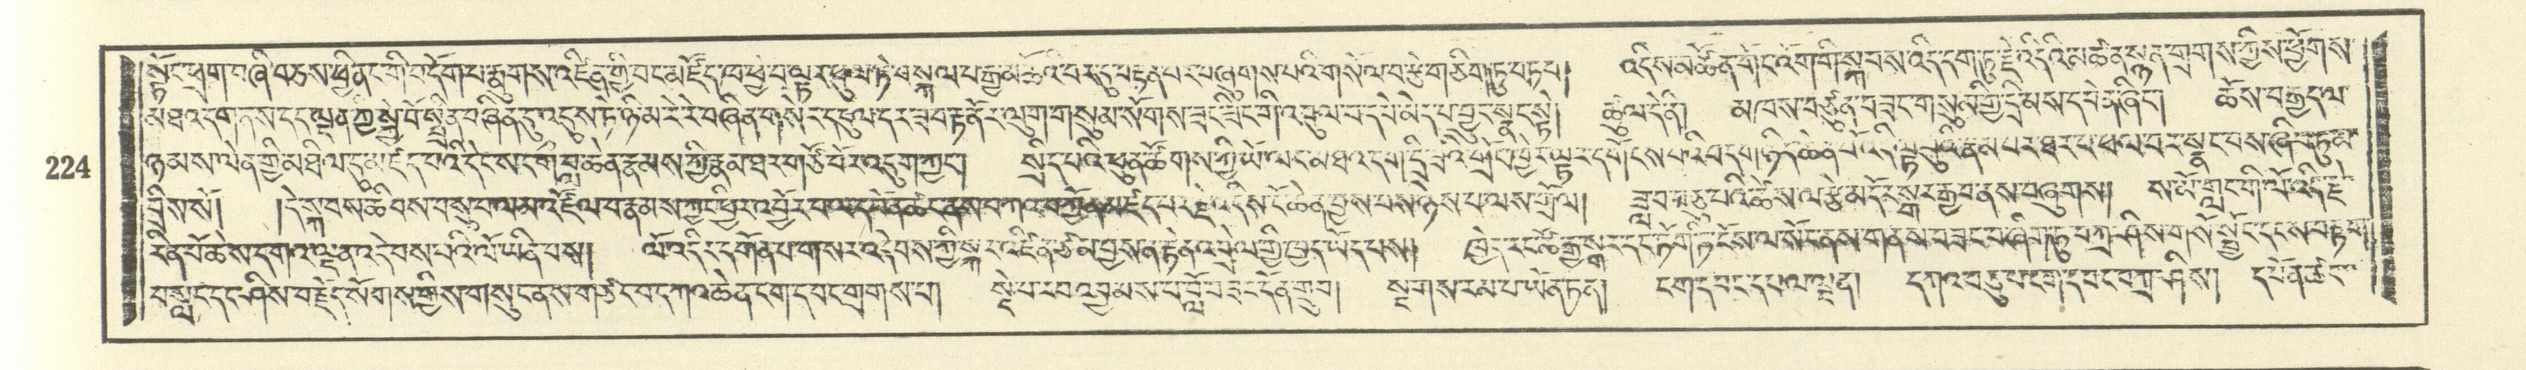སྟོང་ཕྲག་བཞི་བཅས་ཕྱི་ནང་གི་བདོག་པ་རྨུགས་འཛིན་གྱི་བང་མཛོད་ཁ་ཕྱེ་བ་ལྟར་ཕུལ་ཏེ་བསྐལ་བ་རྒྱ་མཚོའི་བར་དུ་བརྟན་པར་བཞུགས་པའི་གསོལ་བརྩེ་གཅིག་ཏུ་བཏབ། འདིས་མཚོན་གོང་འོག་གི་སྐབས་འདི་དག་ཏུ་རྗེ་འདིའི་མཚན་སྙན་གྲགས་ཀྱིས་ཕྱོགས་
མཐའ་དག་ནས་དད་ལྡན་གྱི་སྐྱེ་བོ་སྤྲིན་བཞིན་དུ་འདུས་ཏེ་ཉི་མ་རེ་རེ་བཞིན་གསེར་དངུལ་དར་ཟབ་རྟ་ནོར་ལུག་གསུམ་སོགས་ཟང་ཟིང་གི་འབུལ་བ་དཔེ་མེད་པ་བྱུང་སྣང་སྟེ། ཚུལ་དེ་ནི། མཁས་བཙུན་བཟང་གསུམ་གྱི་དྲི་མས་དབེན་ཞིང་། ཆོས་བརྒྱད་ལ་
ཉམས་ལེན་གྱི་མཐིལ་དུ་མཛད་པའི་དེང་སང་གྀ་བླ་ཆེན་རྣམས་ཀྱི་རྣམ་ཐར་གཙོ་བོར་འདུག་ཀྱང་། སྲིད་པའི་ཕུན་ཚོགས་ཀྱི་ཡོ་ལང་མཐའ་དག་དྲི་ཟའི་གྲོང་ཁྱེར་ལྟར་དགོངས་པའི་བདག་ཉིད་ཆེན་པོ་འདི་ལྟ་བུའི་རྣམ་པར་ཐར་པ་ཕལ་བར་སྣང་བས་ཞིབ་ཏུ་མ་
བྲིས་སོ། །དེ་སྐབས་ཆིབས་བསུ་བ་ལམ་འཛོལ་བ་རྣམས་ཀྱང་ཕྱིར་འབྱོར་བ་ལ་དཔོན་ཚང་ནས་བཀའ་བཀྱོན་མཛད་པར་རྗེ་འདིས་ངོ་ཆེན་བྱས་པས་ཉེས་པ་ལས་གྲོལ། ཟླ་བ་བཅུ་པའི་ཚེས་ལ་རྩེ་མདོར་སྒར་རྒྱབ་ནས་བཞུགས། ས་མོ་གླང་གི་ལོ་འདི་རྗེ་
རིན་པོ་ཆེས་དགའ་ལྡན་འདེབས་པའི་ལོ་ཡིན་པས། ལོ་འདིར་དགོན་པ་གསར་འདེབས་ཀྱི་སྐར་འཛིན་ཙམ་བྱས་ན་རྟེན་འབྲེལ་གྱི་ཁྱད་ཡོད་པས། ཁྱེད་རང་ཚོ་རྒྱ་སྒར་དང་ཏོག་ཏི་ངོས་ལ་སོང་ནས་གནས་བཟང་བ་ཞིག་ཏུ་བཀྲ་ཤིས་གསོ་སྦྱོང་དང་ས་བརྟག་
བསླང་དང་ཤིས་བརྗོད་སོགས་གྱིས་གསུང་ནས་གཙང་བ་དཀའ་ཆེན་ངག་དབང་གྲགས་པ། སྔེ་པ་རབ་འབྱམས་པ་བློ་བཟང་དོན་གྲུབ། སྔགས་རམ་པ་ཡོན་ཏན། ངག་དབང་དཔལ་ལྡན། དཀའ་བཅུ་པ་ངག་དབང་བཀྲ་ཤིས། དཔོན་ཚང་